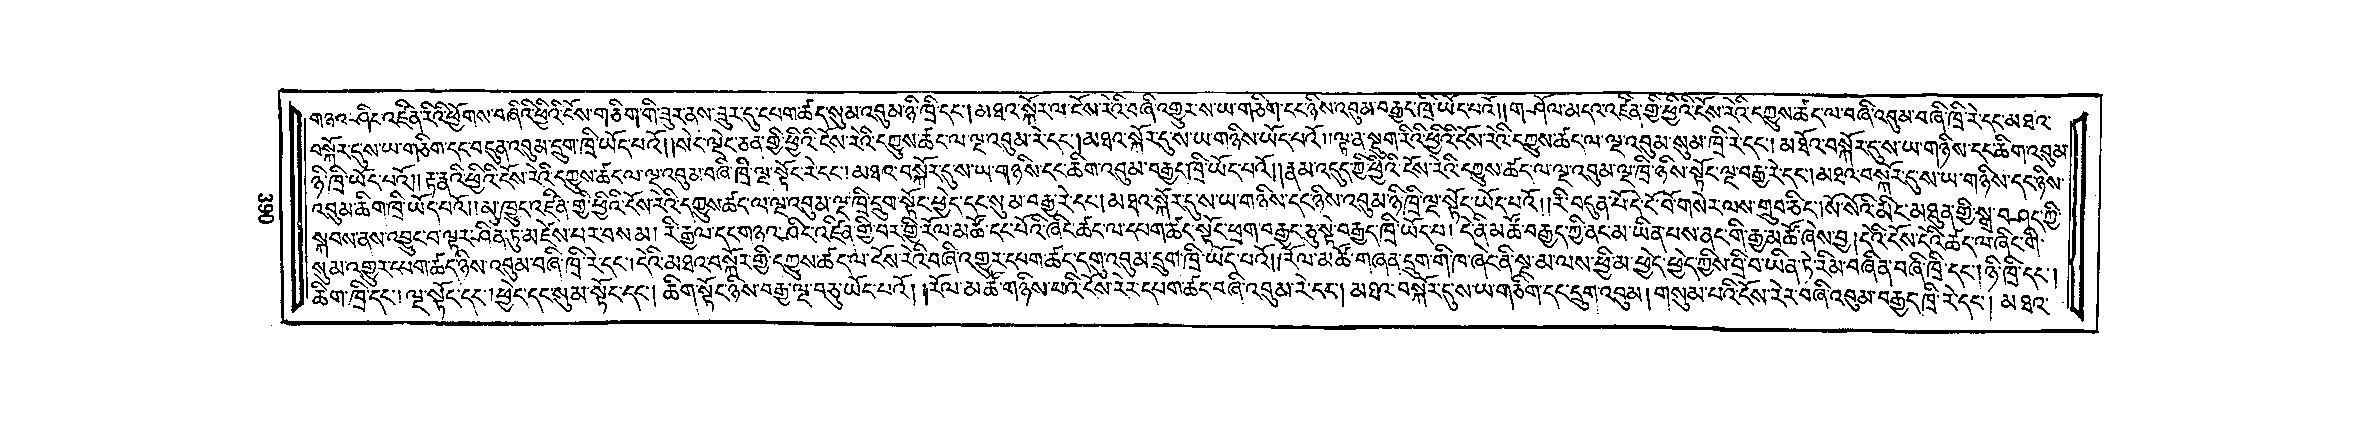གཉའ་ཤིང་འཛིན་རིའི་ཕྱོགས་བཞིའི་ཕྱིའི་ངོས་གཅིག་གི་ཟུར་ནས་ཟུར་དུ་དཔག་ཚད་སུམ་འབུམ་ཉི་ཁྲི་དང་། མཐའ་སྐོར་ལ་ངོས་རེའི་བཞི་འགྱུར་ས་ཡ་གཅིག་དང་ཉིས་འབུམ་བརྒྱད་ཁྲི་ཡོད་པའོ། །གཤོལ་མདའ་འཛིན་གྱི་ཕྱིའི་ངོས་རེའི་དཀྱུས་ཚད་ལ་བཞི་འབུམ་བཞི་ཁྲི་རེ་དང་མཐའ་
བསྐོར་དུ་ས་ཡ་གཅིག་དང་བདུན་འབུམ་དྲུག་ཁྲི་ཡོད་པའོ། །སེང་ལྡེང་ཅན་གྱི་ཕྱིའི་ངོས་རེའི་དཀྱུས་ཚད་ལ་ལྔ་འབུམ་རེ་དང་། མཐའ་སྐོར་དུ་ས་ཡ་གཉིས་ཡོད་པའོ། །ལྟ་ན་སྡུག་རིའི་ཕྱིའི་ངོས་རེའི་དཀྱུས་ཚད་ལ་ལྔ་འབུམ་སུམ་ཁྲི་རེ་དང་། མཐོའ་བསྐོར་དུ་ས་ཡ་གཉིས་དང་ཆིག་འབུམ་
ཉི་ཁྲི་ཡོད་པའོ། །རྟ་རྣའི་ཕྱིའི་ངོས་རེའི་དཀྱུས་ཚད་ལ་ལྔ་འབུམ་བཞི་ཁྲི་ལྔ་སྟོང་རེ་དང་། མཐའ་བསྐོར་དུ་ས་ཡ་གཉིས་དང་ཆིག་འབུམ་བརྒྱད་ཁྲི་ཡོད་པའོ། །རྣམ་འདུད་ཀྱི་ཕྱིའི་ངོས་རེའི་དཀྱུས་ཚད་ལ་ལྔ་འབུམ་ལྔ་ཁྲི་ཉིས་སྟོང་ལྔ་བརྒྱ་རེ་དང་། མཐའ་བསྐོར་དུ་ས་ཡ་གཉིས་དང་ཉིས་
འབུམ་ཆིག་ཁྲི་ཡོད་པའོ། །མུ་ཁྱུད་འཛིན་གྱི་ཕྱིའི་ངོས་རེའི་དཀྱུས་ཚད་ལ་ལྔ་འབུམ་ལྔ་ཁྲི་དྲུག་སྟོང་ཕྱེད་དང་སུམ་བརྒྱ་རེ་དང་། མཐའ་སྐོར་དུ་ས་ཡ་གཉིས་དང་ཉིས་འབུམ་ཉི་ཁྲི་ལྔ་སྟོད་ཡོད་པའོ། །རི་བདུན་པོ་དེ་ངོ་བོ་གསེར་ལས་གྲུབ་ཅིང་། སོ་སོའི་མིང་མཐུན་གྱི་སྒྲ་བཤད་ཀྱི་
སྐབས་ནས་འབྱུང་བ་ལྟར་ཤིན་ཏུ་མཛེས་པར་བསམ། རི་རྒྱལ་དང་གཉའ་ཤིང་འཛིན་གྱི་བར་གྱི་རོལ་མཚོ་དང་པོའི་ཞིང་ཚད་ལ་དཔག་ཚད་སྟོང་ཕྲག་བརྒྱད་ཅུ་སྟེ་བརྒྱད་ཁྲི་ཡོད་པ། དེ་ནི་མཚོ་བརྒྱད་ཀྱི་ནང་མ་ཡིན་པས་ནང་གི་རྒྱ་མཚོ་ཞེས་བྱ། དེའི་ངོས་དེའི་ཚད་ལ་ཞིང་གི་
སུམ་འགྱུར་དཔག་ཚད་ཉིས་འབུམ་བཞི་ཁྲི་རེ་དང་། དེའི་མཐའ་བསྐོར་གྱི་དཀྱུས་ཚད་ལ་ངོས་རེའི་བཞི་འགྱུར་དཔག་ཚད་དགུ་འབུམ་དྲུག་ཁྲི་ཡོད་པའོ། །རོལ་མཚོ་གཞན་དྲུག་གི་ཁ་ཞེང་ནི་སྔ་མ་ལས་ཕྱི་མ་ཕྱེད་ཕྱེད་ཀྱིས་བྲི་བ་ཡིན་ཏེ་རིམ་བཞིན་བཞི་ཁྲི་དང་། ཉི་ཁྲི་དང་།
ཆིག་ཁྲི་དང་། ལྔ་སྟོང་དང་། ཕྱེད་དང་སུམ་སྟོང་དང་། ཆིག་སྟོང་ཉིས་བརྒྱ་ལྔ་བཅུ་ཡོད་པའོ། །རོལ་མཚོ་གཉིས་པའི་ངོས་རེར་དཔག་ཚད་བཞི་འབུམ་རེ་དང་། མཐའ་བསྐོར་དུ་ས་ཡ་གཅིག་དང་དྲུག་འབུམ། གསུམ་པའི་ངོས་རེར་བཞི་འབུམ་བརྒྱད་ཁྲི་རེ་དང་། མཐ་ཕ༹སཕ༹ས་